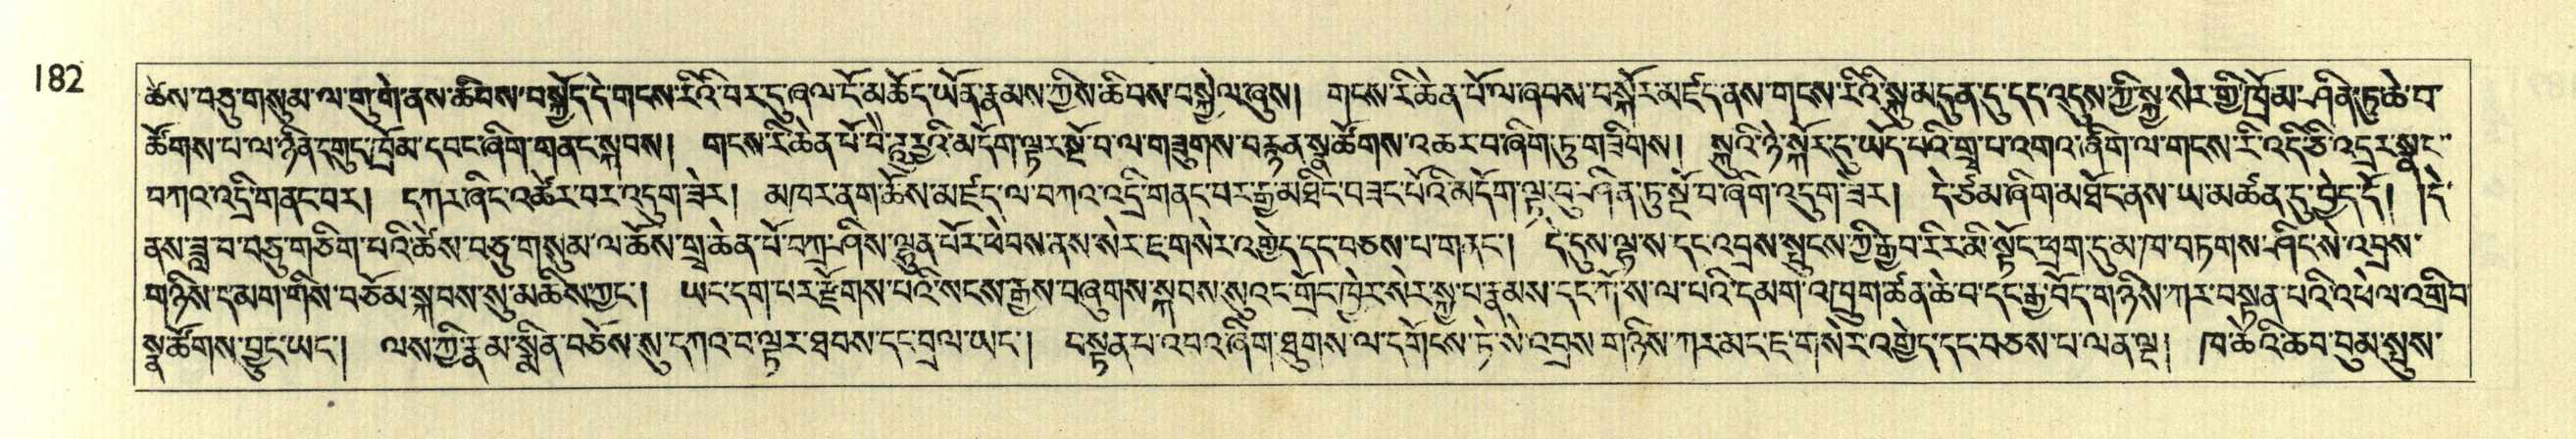ཚེས་བཅུ་གསུམ་ལ་གུ་གེ་ནས་ཆིབས་བསྐྱོད་དེ་གངས་རིའི་བར་དུ་ཞལ་ངོ་མཆོད་ཡོན་རྣམས་ཀྱིས་ཆིབས་བསྐྱེལ་ཞུས། གངས་རི་ཆེན་པོ་ལ་ཞབས་བསྐོར་མཛད་ནས་གངས་རིའི་སྐུ་མདུན་དུ་དད་འདུས་ཀྱི་སྐྱ་སེར་གྱི་ཁྲོམ་ཤིན་ཏུ་ཆེ་བ་
ཚོགས་པ་ལ་ཉིན་དགུང་ཁྲོམ་དབང་ཞིག་གནང་སྐབས། གངས་རི་ཆེན་པོ་བཻ་ཌཱུརྱའི་མདོག་ལྟར་སྔོ་བ་ལ་གཟུགས་བརྙན་སྣ་ཚོགས་འཆར་བ་ཞིག་ཏུ་གཟིགས། སྐུའི་ཉེ་སྐོར་དུ་ཡོད་པའི་གྲྭ་པ་འགའ་ཞིག་ལ་གངས་རི་འདི་ཅི་འདྲར་སྣང་
བཀའ་འདྲི་གནང་བར། དཀར་ཞིང་འཚེར་བར་འདུག་ཟེར། མཁར་ནག་ཆོས་མཛད་ལ་བཀའ་འདྲི་གནང་བར་རྒྱ་མཐིང་བཟང་པོའི་མདོག་ལྟ་བུ་ཤིན་ཏུ་སྔོ་བ་ཞིག་འདུག་ཟེར། དེ་ཙམ་ཞིག་མཐོང་ནས་ཡ་མཚན་དུ་བྱེད་དོ། །དེ་
ནས་ཟླ་བ་བཅུ་གཅིག་པའི་ཚེས་བཅུ་གསུམ་ལ་ཆོས་གྲྭ་ཆེན་པོ་བཀྲ་ཤིས་ལྷུན་པོར་ཕེབས་ནས་སེར་ཇ་གསེར་འགྱེད་དང་བཅས་པ་གནང་། དེ་དུས་ལྷ་ས་དང་འབྲས་སྤུངས་ཀྱི་རྒྱབ་རིར་མི་སྟོང་ཕྲག་དུ་མ་ཁ་བཏགས་ཤིང་སེ་འབྲས་
གཉིས་དམག་གིས་བཅོམ་སྐབས་སུ་མཆིས་ཀྱང་། ཡང་དག་པར་རྫོགས་པའི་སངས་རྒྱས་བཞུགས་སྐབས་སུའང་གྲོང་ཁྱེར་སེར་སྐྱ་པ་རྣམས་དང་ཀོ་ས་ལ་པའི་དམག་འཁྲུག་ཚན་ཆེ་བ་དང་རྒྱ་བོད་གཉིས་ཀར་བསྟན་པའི་འཕེལ་འགྲིབ་
སྣ་ཚོགས་བྱུང་ཡང་། ལས་ཀྱི་རྣམ་སྨིན་བཅོས་སུ་དཀའ་བ་ལྟར་ཐབས་དང་བྲལ་ཡང་། བསྟན་པ་འབའ་ཞིག་ཐུགས་ལ་དགོངས་ཏེ་སེ་འབྲས་གཉིས་ཀར་མང་ཇ་གསེར་འགྱེད་དང་བཅས་པ་ལན་ལྔ། ཁ་ཆེའི་ཆབ་བུམ་སྤུས་